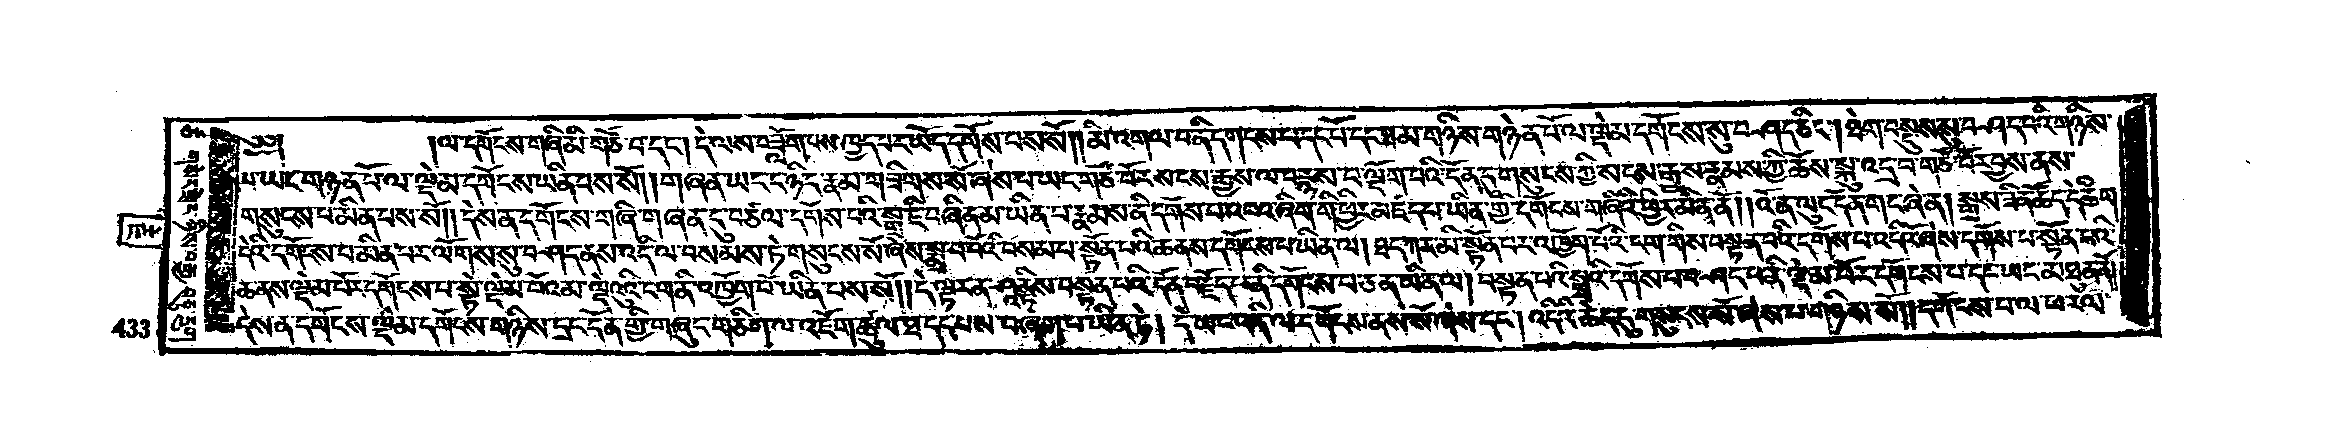༄༅། །ལ་དགོངས་གཞི་མི་གཙོ་བ་དང་། དེ་ལས་བཟླག་པའི་ཁྱད་པར་ཡོད་དགོས་པས་སོ། །མི་འགལ་བ་ནི་དགོངས་པ་དང་པོ་དང་ཐ་མ་གཉིས་གཉེན་པོ་ལ་ལྡེམ་དགོངས་སུ་བཤད་ཅིང་། ཐེག་བསྡུས་སུ་བཤད་པའི་གཉིས་
པ་ཡང་གཉན་པོ་ལ་ལྡེམ་དགོངས་ཡིན་པས་སོ། །གཞན་ཡང་ང་ཉིད་རྣམ་གཟིགས་སོ་ཞེས་པ་ཡང་གཙོ་བོར་སངས་རྒྱས་ལ་བརྙས་པ་ལྡོག་པའི་དོན་དུ་གསུངས་ཀྱི་སངས་རྒྱས་རྣམས་ཀྱི་ཆོས་སྐུ་འདྲ་བ་གཙོ་བོར་བྱས་ནས་
གསུངས་པ་མིན་པས་སོ། །དེས་ན་དགོངས་གཞི་གཞན་དུ་བཙལ་དགོས་པའི་སྒྲ་ཇི་བཞིན་མ་ཡིན་པ་རྣམས་ནི་དགོས་པ་འབའ་ཞིག་གི་ཕྱིར་མཛད་པ་ཡིན་གྱི་དགོངས་གཞིའི་ཕྱིར་མིན་ནོ། །འོ་ན་ལུང་དོན་གང་ཞེ་ན། སྒྲས་ཟིན་ཚོད་དེ་ཚིག་
དེའི་དགོངས་པ་མིན་པར་ལོགས་སུ་བཤད་ནས་འདི་ལ་བསམས་ཏེ་གསུངས་སོ་ཞེས་སྨྲ་བ་པོའི་བསམ་པ་སྟོན་པའི་ཆ་ནས་དགོངས་པ་ཡིན་ལ། ཐད་ཀར་མི་སྟོན་པར་འཁྱོག་པོའི་ངག་གིས་བསྟན་པའི་དགོས་པ་འདིའོ་ཞེས་དགོས་པ་སྟོན་པའི་
ཆ་ནས་ལྡེམ་པོར་དགོངས་པ་སྟེ་ལྡེམ་པོའམ་ལྡེའུའི་ངག་ནི་འཁྱོག་པོ་ཡིན་པས་སོ། །དེ་ལྟར་ན་ཤཱནྟིས་བསྟན་པའི་དོན་བརྗོད་པ་ནི་དགོངས་པ་ཅན་ཡིན་ལ། བསྟན་པའི་སྒྲའི་དགོས་པ་བཤད་པ་ནི་ལྡེམ་པོར་དགོངས་པ་དང་ཡང་མཐུན་ནོ།
དེས་ན་དགོངས་ལྡེམ་དགོངས་གཉིས་དྲང་དོན་གྱི་གཞུང་གཅིག་ལ་འཇོག་ཚུལ་ཐ་དད་པས་བཞག་པ་ཡིན་ཏེ། དེ་ཡང་འདི་ལ་དགོངས་ནས་སོ་ཞེས་དང་། འདིའི་ཆེད་དུ་གསུངས་སོ་ཞེས་པ་གཉིས་སོ། །དགོངས་པ་ལ་ཕ་རོལ་